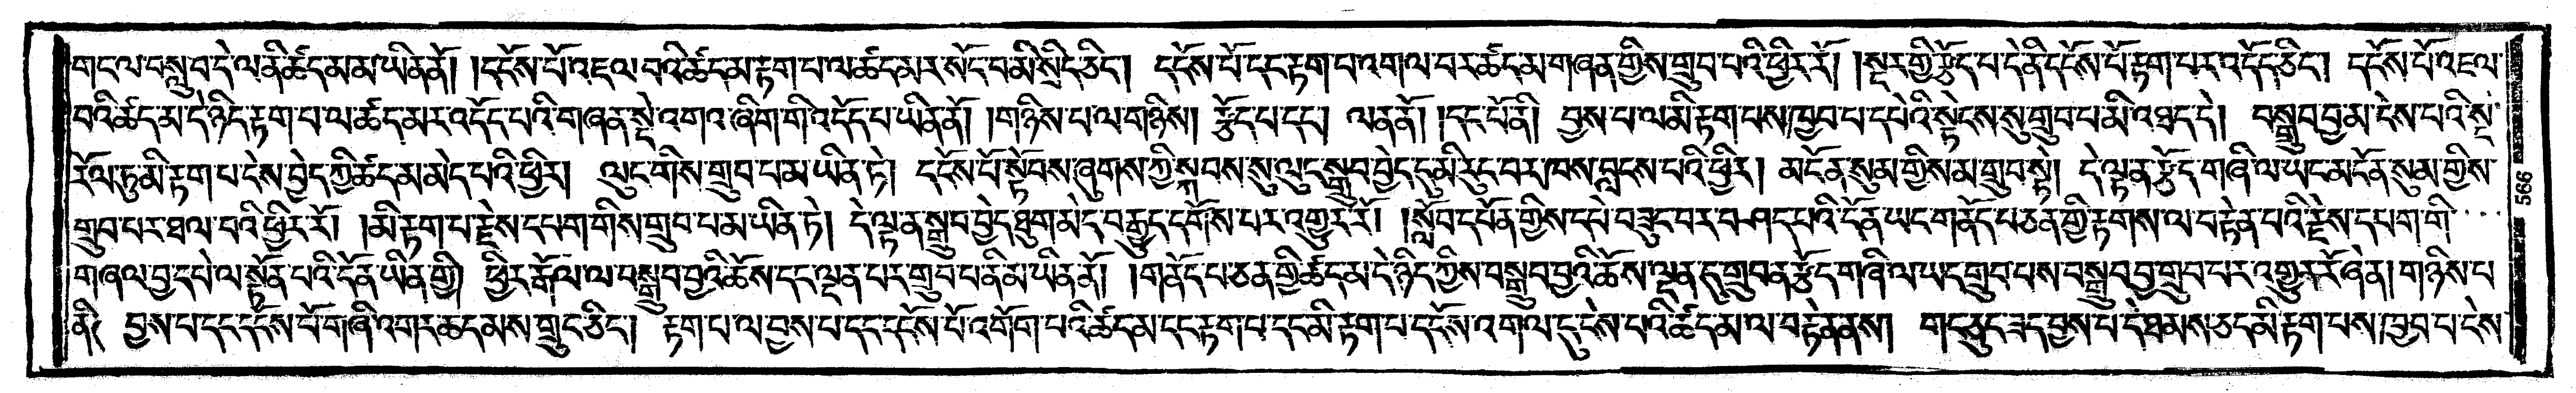གང་ལ་བསླུ་བ་དེ་ལ་ནི་ཚད་མ་མ་ཡིན་ནོ། །དངོས་པོ་འཇལ་བའི་ཚད་མ་རྟག་པ་ལ་ཚད་མར་སོང་བ་མི་སྲིད་ཅིང་། དངོས་པོ་དང་རྟག་པ་འགལ་བར་ཚད་མ་གཞན་གྱིས་གྲུབ་པའི་ཕྱིར་རོ། །སྔར་གྱི་རྩོད་པ་དེ་ནི་དངོས་པོ་རྟག་པར་འདོད་ཅིང་། དངོས་པོ་འཇལ་
བའི་ཚད་མ་དེ་ཉིད་རྟག་པ་ལ་ཚད་མར་འདོད་པའི་གཞན་སྡེ་འགའ་ཞིག་གི་འདོད་པ་ཡིན་ནོ། །གཉིས་པ་ལ་གཉིས། རྩོད་པ་དང་། ལན་ནོ། །དང་པོ་ནི། བྱས་པ་ལ་མི་རྟག་པས་ཁྱབ་པ་དཔེའི་སྟེངས་སུ་གྲུབ་པ་མི་འཐད་དེ། བསྒྲུབ་བྱ་མ་ངེས་པའི་སྔ་
རོལ་ཏུ་མི་རྟག་པ་ངེས་བྱེད་ཀྱི་ཚད་མ་མེད་པའི་ཕྱིར། ལུང་གིས་གྲུབ་པ་མ་ཡིན་ཏེ། དངོས་པོ་སྟོབས་ཞུགས་ཀྱི་སྐབས་སུ་ལུང་སྒྲུབ་བྱེད་དུ་མི་རུང་བར་ཁས་བླངས་པའི་ཕྱིར། མངོན་སུམ་གྱིས་མ་གྲུབ་སྟེ། དེ་ལྟ་ན་རྩོད་གཞི་ལ་ཡང་མངོན་སུམ་གྱིས་
གྲུབ་པར་ཐལ་བའི་ཕྱིར་རོ། །མི་རྟག་པ་རྗེས་དཔག་གིས་གྲུབ་པ་མ་ཡིན་ཏེ། དེ་ལྟ་ན་སྒྲུབ་བྱེད་ཐུག་མེད་བརྒྱུད་དགོས་པར་འགྱུར་རོ། །སློབ་དཔོན་གྱིས་དཔེ་བཟུང་བར་བཤད་པའི་དོན་ཡང་གནོད་པ་ཅན་གྱི་རྟགས་ལ་བརྟེན་པའི་རྗེས་དཔག་གི་
གཞལ་བྱ་དཔེ་ལ་སྟོན་པའི་དོན་ཡིན་གྱི། ཕྱིར་རྒོལ་ལ་བསྒྲུབ་བྱའི་ཆོས་དང་ལྡན་པར་གྲུབ་པ་ནི་མ་ཡིན་ནོ། །གནོད་པ་ཅན་གྱི་ཚད་མ་དེ་ཉིད་ཀྱིས་བསྒྲུབ་བྱའི་ཆོས་ལྡན་དུ་གྲུབ་ན་རྩོད་གཞི་ལ་ཡང་གྲུབ་པས་བསྒྲུབ་བྱ་གྲུབ་པར་འགྱུར་རོ་ཞེ་ན། གཉིས་པ་
ནི། བྱས་པ་དང་དངོས་པོ་གཞི་འགར་ཆད་མས་གྲུབ་ཅིང་། རྟག་པ་ལ་བྱས་པ་དང་དངོས་པོ་འགོག་པའི་ཚད་མ་དང་རྟག་པ་དང་མི་རྟག་པ་དངོས་འགལ་དུ་ངེས་པའི་ཚད་མ་ལ་བརྟེན་ནས། གང་ཅུང་ཟད་བྱས་པ་དེ་ཐམས་ཅད་མི་རྟག་པས་ཁྱབ་པ་ངེས་